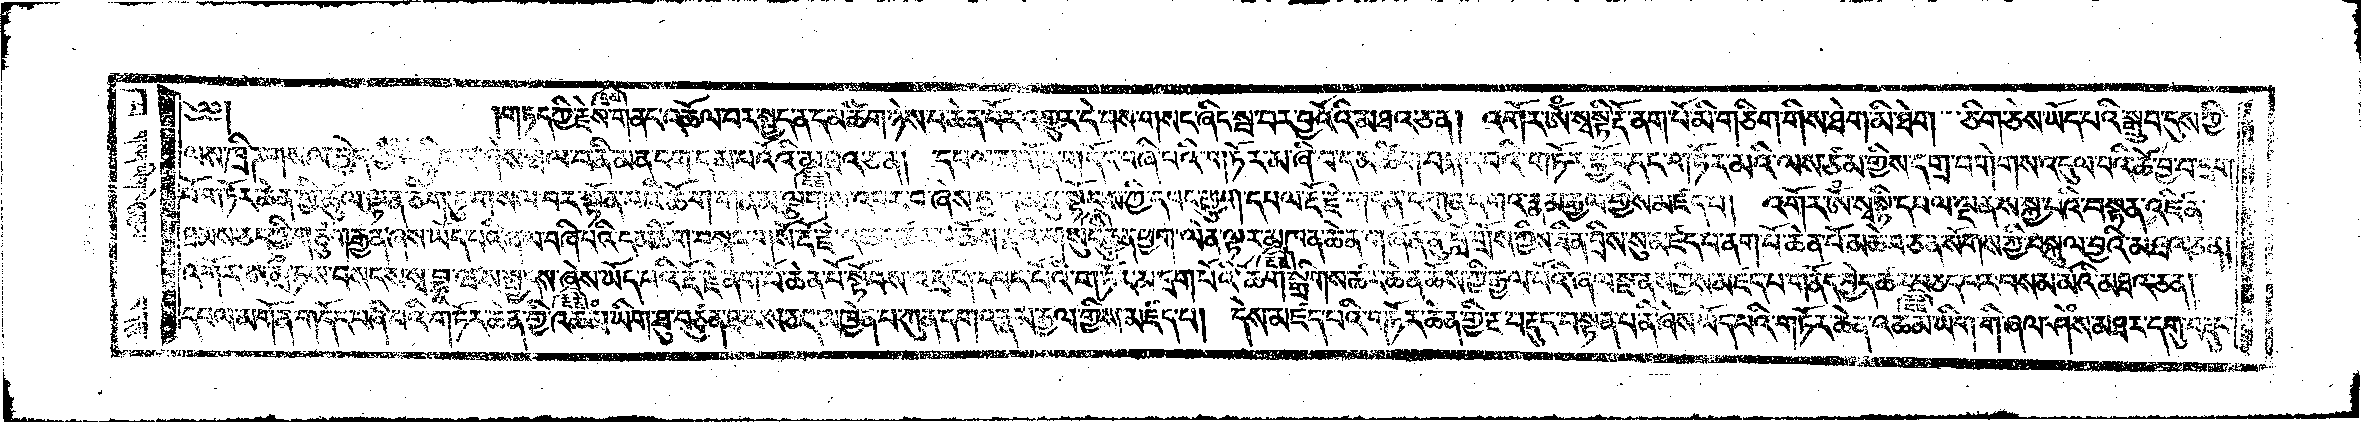༄༅། །གཏད་ཀྱི་རྗེས་གནང་འཆོལ་བར་སྤྱད་ན་དམ་ཚིག་ཉེས་པ་ཆེན་པོར་འགྱུར་དེ་བས་གསང་ཞིང་སྦ་བར་བྱའོའི་མཐའ་ཅན། འགོར་ཨོཾ་སྭ་སྟི་རྡོ་ནག་པོ་མི་གཅིག་གིས་ཐེག་མི་ཐེག་ཅིག་ཅེས་ཡོད་པའི་སྒྲུབ་དུས་ཀྱི་
ལས་ཁྲིཌ་གསལ་བྱེད་ཀྱི་ཡི་གེ་རྙིང་པ་ཞེས་སྤེལ་བ་ནི་མན་ངག་དམ་པའོའི་མཐའ་ཅན། དཔལ་མགོན་གདོང་བཞི་པའི་གོར་མ་ཞི་བ་དམ་ཚིག་བསྐང་བའི་གཏོར་སྐྱོང་དང་གཏོར་མའི་ལས་ཙམ་གྱིས་དགྲ་བགེགས་འདུལ་བའི་ཚེ་བྱ་བ་དྲག་
པོ་གཏོར་ཆེན་གྱི་ཚུལ་ལྷན་ཅིག་ཏུ་གསལ་བར་སྟོན་པའི་ཆོ་ག་གནམ་ལྕགས་འབར་བ་ཞེས་བྱ་བ་མཐུ་སྟོབས་ཀྱི་དབང་ཕྱུག་དཔལ་རྡོ་རྗེ་གདན་པ་ཀུན་དགའ་རྣམ་རྒྱལ་གྱིས་མཛད་པ། འགོར་ཨོཾ་སྭ་སྟི་དཔལ་ལྡན་ས་སྐྱ་བའི་བསྟན་འཛིན་
ཐམས་ཅད་ཀྱི་གཙུག་རྒྱན་ཞེས་ཡོད་པའི་ཞལ་བཞི་པའི་དམ་ཚིག་བསྐང་གསོ་རྡོ་རྗེ་འཆད་ཚར་བ་ཆོས་རྗེའི་གསུང་རྒྱུན་ཕྱག་ལེན་ལྟར་མཁན་ཆེན་གཞོན་ནུ་བློ་གྲོས་ཀྱིས་ཟིན་བྲིས་སུ་མཛད་པ་ནག་པོ་ཆེན་པོ་མཆེ་བ་ཅན་སོགས་ཀྱི་བསྐུལ་བྱའི་མཐའ་ཅན།
འགོར་ཨྀམྲ་ཏས་བསངས་སྭ་བྷཱ་ཝས་སྦྱངས་ཞེས་ཡོད་པའི་རྡོ་རྗེ་ནག་པོ་ཆེན་པོ་སྟོབས་འཕྲོག་དབང་པོའི་གཏོར་མ་དྲག་པོའི་ཆོག་སྒྲིགས་ཚར་ཆེན་ཆོས་ཀྱི་རྒྱལ་པོའི་ཞལ་སྔ་ནས་ཀྱིས་མཛད་པ་གནོད་བྱེད་ཚར་བཅད་པར་བསམ་མོའི་མཐའ་ཅན།
དཔལ་མགོན་གདོང་བཞི་པའི་གཏོར་ཆེན་གྱི་འཆམ་ཡིག་ཐུ་བཙུན་ཐམས་ཅད་མཁྱེན་པ་ཀུན་དགའ་རྣམ་རྒྱལ་གྱིས་མཛད་པ། དེས་མཛད་པའི་གཏོར་ཆེན་གྱི་རྔ་བརྡུང་བསྟན་པ་ནི་ཞེས་ཡོད་པའི་གཏོར་ཆེན་འཆམ་ཡིག་གི་ཞལ་ཤེཾས་མཐར་དགུ་བརྡུང་